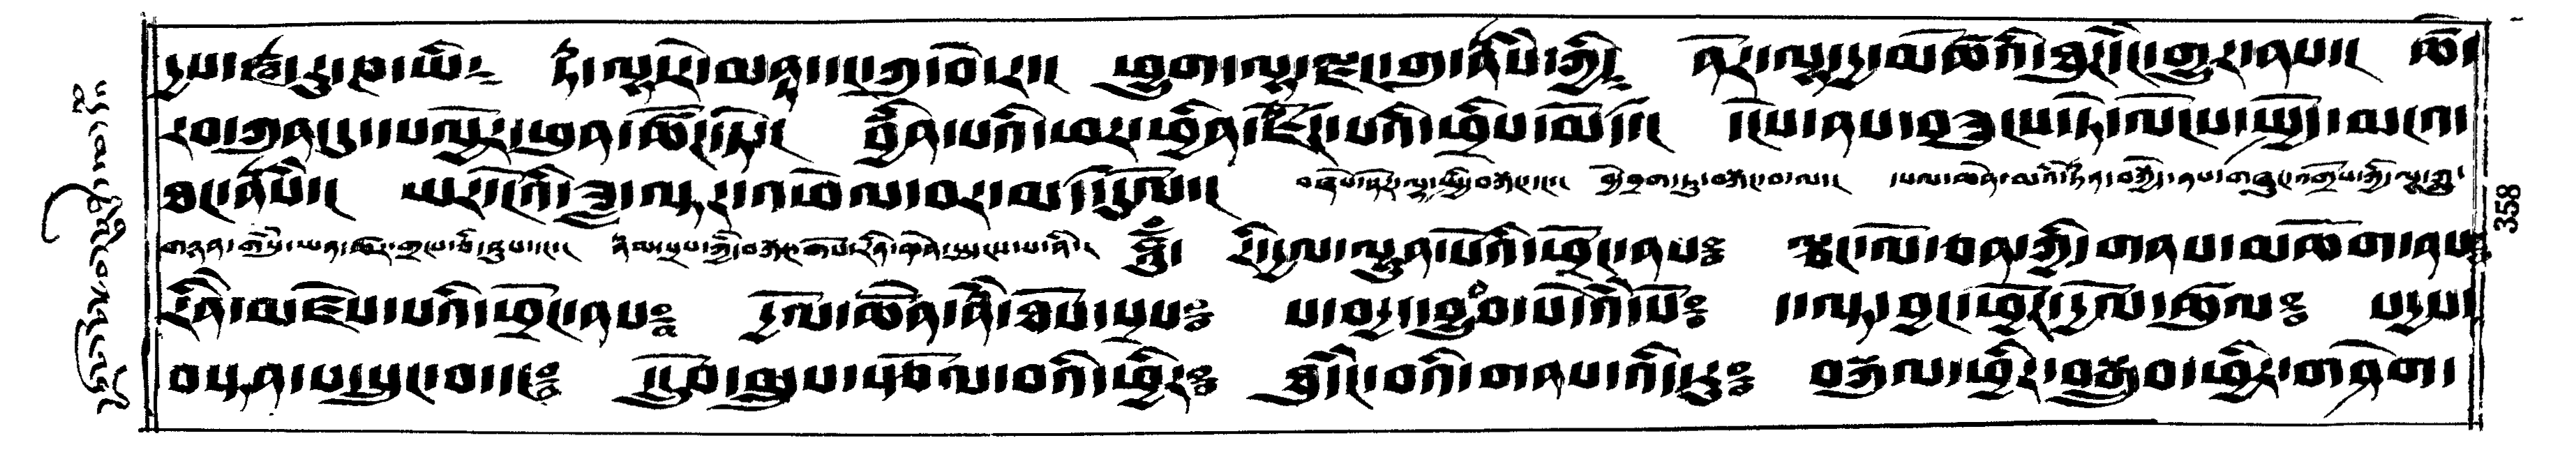རྒྱས་ཝ་རུ་ཎ་ཡི༴རྟ་ལྷ་རེ་མནྟ་དང་ཀུ་བེ་ར། །ཕྱུགས་ལྷ་ལྗང་གུ་རྣམས་ཀྱི༴ ནོར་ལྷ་རྒྱ་མཚོའི་ཐུགས་དམ་བསྐང་གྱུར་ནས། །ཚེ་
རབས་ཀུན་ཏུ་དཔལ་འབྱོར་ཕུན་ཚོགས་ཏེ། །སྦྱིན་པའི་ཕར་ཕྱིན་རྫོགས་པའི་ཕྲིན་ལས་མཛོད། །དེང་ནས་བཟུང་སྟེ་ལོངས་སྤྱོད་མངའ་
ཐང་རྣམས། །ཡར་ངོའི་ཟླ་ལྟར་འཕེལ་བར་མཛད་དུ་གསོལ།། ཞེས་ནོར་ལྷ་སྤྱི་བསྐང་དང་། བྱེ་བྲག་ཏུ་བསྐང་བ་ལ། དཔལ་ཆེན་མོའི་རྟེན་བསྐྱེད་ནས་གཞུང་འགྲོས་ཀྱི་ལྷ་ཀླུ་
གཉན་གསུམ་ཡན་ཚར་གྲངས་ཅི་ནུས་དང་། རྣམ་སྲས་ཀྱི་བསྐང་གསོ་རིན་ཆེན་སྤུངས་པ་ནི།། ཧཱུྃ། །རི་རྒྱལ་ལྷུན་པོའི་ཕོ་བྲང་ནས༔ ལྕང་ལོ་ཅན་གྱི་གནས་མཆོག་ནས། །
རིན་ཆེན་མཛེས་པའི་ཕོ་བྲང་ནས༔ རྒྱལ་པོ་ཆེན་པོ་རྣམ་ཐོས་སྲས༔ ས་བརྒྱད་བྱང་ཆུབ་སེམས་དཔའ་པོ༔ ད་ལྟ་བྱང་ཕྱོགས་རྒྱལ་པོའི་ཚུལ༔ སངས་རྒྱས་
བསྟན་པ་སྲུང་བ་དང་། །དངོས་གྲུབ་མ་ལུས་སྩོལ་བའི་ཕྱིར༔ ཐུགས་དམ་བསྐང་བའི་གནས་འདི་རུ༔ བསྐུལ་ཕྱིར་བསྒྲུབ་ཕྱིར་གཤེགས་